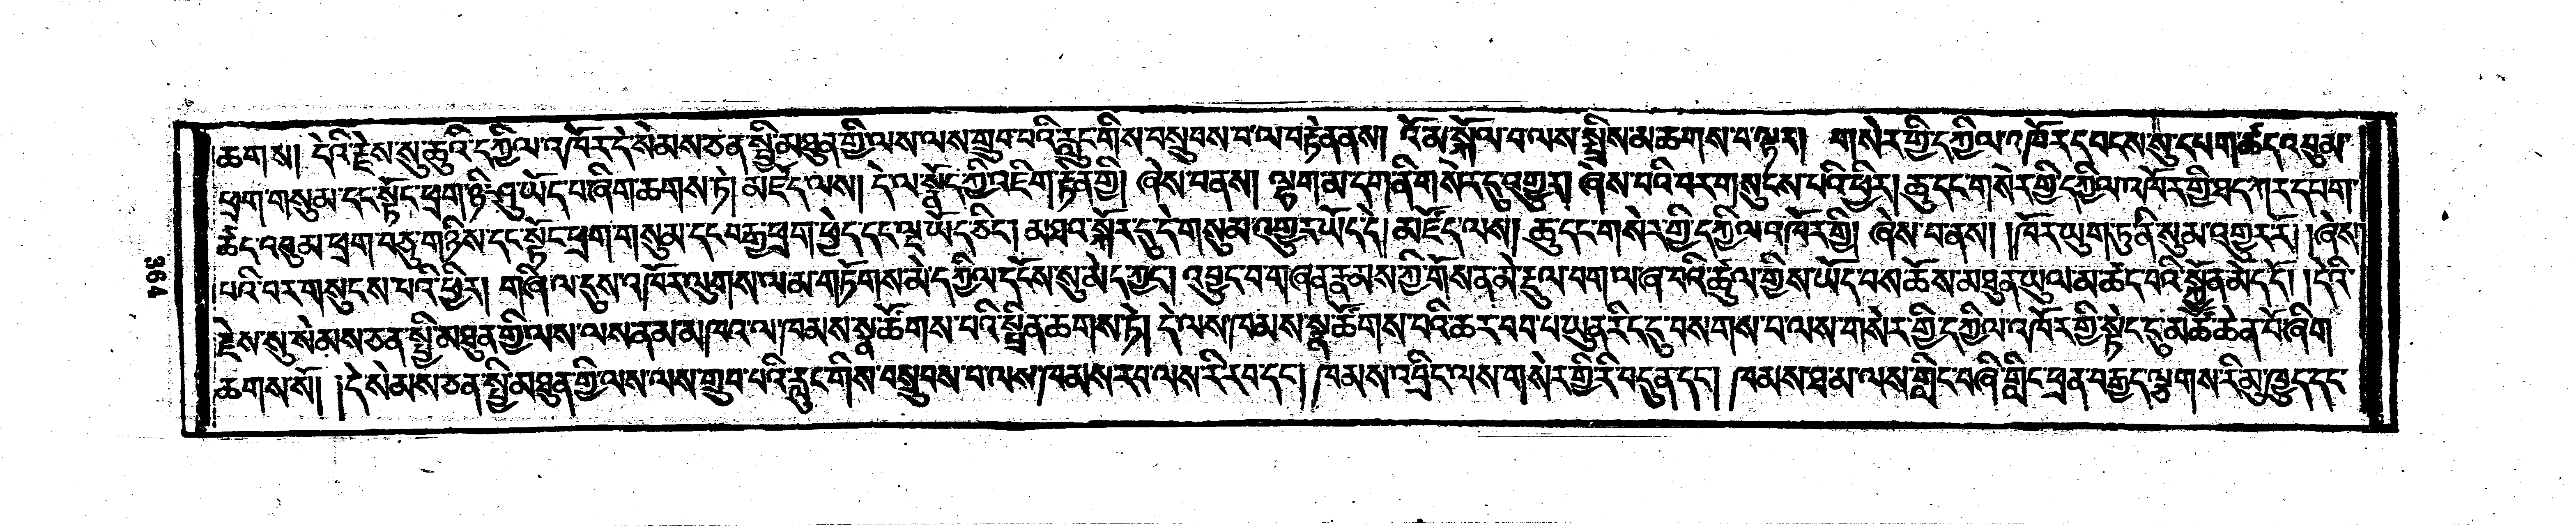ཆགས། དེའི་རྗེས་སུ་ཆུའི་དཀྱིལ་འཁོར་དེ་སེམས་ཅན་སྤྱི་མཐུན་གྱི་ལས་ལས་གྲུབ་པའི་རླུང་གིས་བསྲུབས་པ་ལ་བརྟེན་ནས། འོ་མ་སྐོལ་བ་ལས་སྤྲིས་མ་ཆགས་པ་ལྟར། གསེར་གྱི་དཀྱིལ་འཁོར་དཔངས་སུ་དཔག་ཚད་འབུམ་
ཕྲག་གསུམ་དང་སྟོང་ཕྲག་ཉི་ཤུ་ཡོད་པ་ཞིག་ཆགས་ཏེ། མཛད་ལས། དེ་ལ་སྣོད་ཀྱི་འཇིག་རྟེན་གྱི། ཞེས་པ་ནས། ལྷག་མ་དག་ནི་གསེར་དུ་འགྱུར། ཞེས་པའི་བར་གསུངས་པའི་ཕྱིར། ཆུ་དང་གསེར་གྱི་དཀྱིལ་འཁོར་གྱི་ཐད་ཀར་དཔག་
ཚད་འབུམ་ཕྲག་བཅུ་གཉིས་དང་སྟོང་ཕྲག་གསུམ་དང་བརྒྱ་ཕྲག་ཕྱེད་དང་ལྔ་ཡོད་ཅིང་། མཐའ་སྐོར་དུ་དེ་གསུམ་འགྱུར་ཡོད་དེ། མཛོད་ལས། ཆུ་དང་གསེར་གྱི་དཀྱིལ་འཁོར་གྱི། ཞེས་པ་ནས། །ཁོར་ཡུག་ཏུ་ནི་སུམ་འགྱུར་རོ། །ཞེས་
པའི་བར་གསུངས་པའི་ཕྱིར། གཞི་ལ་དུས་འཁོར་ལུགས་ལ་མ་གཏོགས་མེད་ཀྱིལ་དངོས་སུ་མེད་ཀྱང་། འབྱུང་བ་གཞན་རྣམས་ཀྱི་གོས་ན་མེ་རྡུལ་བག་ལ་ཞ་བའི་ཚུལ་གྱིས་ཡོད་པས་ཆོས་མཐུན་ཡུལ་མ་ཚང་བའི་སྐྱོན་མེད་དོ། །དེའི་
རྗེས་སུ་སེམས་ཅན་སྤྱི་མཐུན་གྱི་ལས་ལས་ནམ་མཁའ་ལ་ཁམས་སྣ་ཚོགས་པའི་སྦྲིན་ཆགས་ཏེ། དེ་ལས་ཁམས་སྣ་ཚོགས་པའི་ཆར་བབ་པ་ཡུན་རིང་དུ་བསགས་པ་ལས་གསེར་གྱི་དཀྱིལ་འཁོར་གྱི་སྟེང་དུ་མཚོ་ཆེན་པོ་ཞིག་
ཆགས་སོ། །དེ་སེམས་ཅན་སྤྱི་མཐུན་གྱི་ལས་ལས་གྲུབ་པའི་རླུང་གིས་བསྲུབས་པ་ལས་ཁམས་རབ་ལས་རི་རབ་དང་། ཁམས་འབྲིང་ལས་གསེར་གྱི་རི་བདུན་དང་། ཁམས་ཐམ་ལས་གླིང་བཞི་གླིང་ཕྲན་བརྒྱད་ལྕགས་རི་མུ་ཁྱུད་དང་